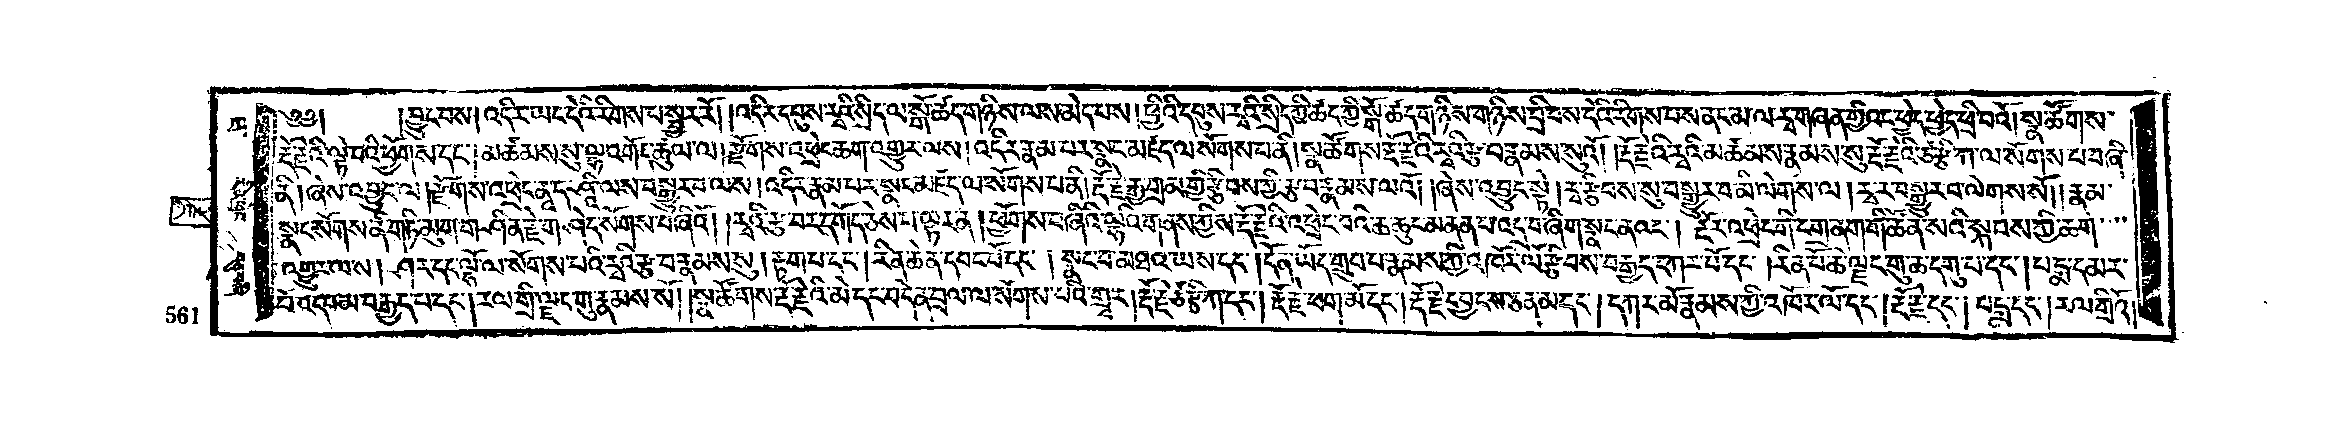༄༅། །བྱུང་བས། འདིར་ཡང་དེའི་རིགས་པ་སྦྱར་རོ། །འདིར་དབུས་རྭའི་སྲིད་ལ་སྒོ་ཚད་གཉིས་ལས་མེད་པས། ཕྱིའི་དབུས་རྭའི་སྲིད་ཀྱི་ཚང་ཀྱི་སྒོ་ཚད་གཉིས་གཉིས་བྲི་བས་དེའི་རིགས་པས་ནང་མ་ལ་རྭ་གཞན་གྱིའང་ཕྱེད་ཕྱེད་ཕྲི་བའོ། སྣ་ཚོགས་
རྡོ་རྗེའི་ལྟེ་བའི་ཕྱོགས་དང་། མཚམས་སུ་ལྷ་འགོད་ཚུལ་ལ། རྫོགས་འཕྲེང་ཆག་འགྱུར་ལས། འདིར་རྣམ་པར་སྣང་མཛད་ལ་སོགས་པ་ནི། སྣ་ཚོགས་རྡོ་རྗེའི་རྭའི་རྩ་བ་རྣམས་སུའོ། །རྡོ་རྗེའི་རྭའི་མཚམས་རྣམས་སུ་རྡོ་རྗེའི་ཙ་རྩི་ཀ་ལ་སོགས་པ་བཞི་
ནི། ཞེས་འབྱུང་ལ། རྫོགས་འཕྲེང་ནཱ་ད་ཤཱི་ལས་བསྒྱུར་བ་ལས། འདིར་རྣམ་པར་སྣང་མཛད་ལ་སོགས་པ་ནི། རྡོ་རྗེ་རྒྱ་གྲམ་གྱི་རྩིབས་ཀྱི་རྩ་བ་རྣམས་ལའོ། །ཞེས་འབྱུང་སྟེ། རྭ་རྩིབས་སུ་བསྒྱུར་བ་མི་ལེགས་ལ། རྭ་ར་བསྒྱུར་བ་ལེགས་སོ། །རྣམ་
སྣང་སོགས་ནི་གཏི་མུག་གཤིན་རྗེ་གཤེད་སོགས་བཞིའོ། །རྭའི་རྩ་བར་དགོད་ཅེས་པ་ལྟར་ན། ཕྱོགས་བཞིའི་ལྷའི་གནས་ཀྱིས་རྡོ་རྗེའི་འཕྲེང་བའི་ཆ་ཆུང་མནན་པ་འདྲ་བ་ཞིག་སྣང་ནའང་། རྡོར་འཕྲེང་གི་དགྲ་ནག་གི་ཚོན་སའི་སྐབས་ཀྱི་ཆག་
འགྱུར་ལས། ཤར་དང་ལྷོ་ལ་སོགས་པའི་རྭའི་རྩ་བ་རྣམས་སུ། རྟག་པ་དང་། རིན་ཆེན་དབང་པོ་དང་། སྣང་བ་མཐའ་ཡས་དང་། དོན་ཡོད་གྲུབ་པ་རྣམས་ཀྱི་འཁོར་ལོ་རྩིབས་བརྒྱད་དཀར་པོ་དང་། རིན་པོ་ཆེ་ལྗང་གུ་ཆ་དགུ་པ་དང་། པདམ་དམར་
པོ་འདབ་མ་བརྒྱད་པ་དང་། རལ་གྲི་ལྗང་གུ་རྣམས་སོ། །སྣ་ཚོགས་རྡོ་རྗེའི་མེ་དང་བདེན་བྲལ་ལ་སོགས་པའི་གྲྭར། རྡོ་རྗེ་ཙ་རྩི་ཀ་དང་། རྡོ་རྗེ་ཕག་མོ་དང་། རྡོ་རྗེ་དབྱངས་ཅན་མ་དང་། དཀར་མོ་རྣམས་ཀྱི་འཁོར་ལོ་དང་། རྡོ་རྗེ་དང་། པདམ་དང་། རལ་གྲིའོ།